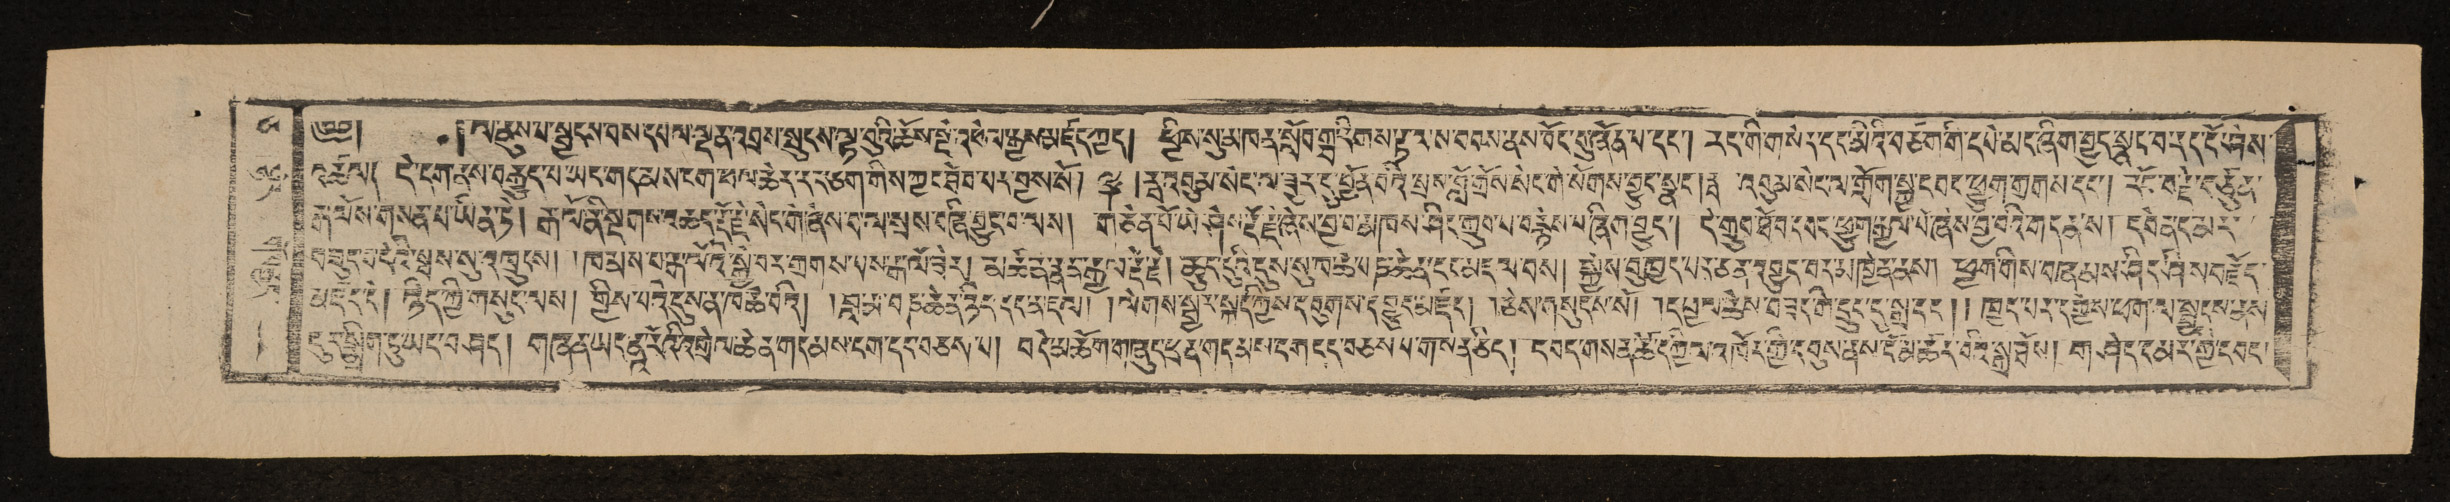༄༅། །ལ་ནུས་པ་སྦྱངས་པས་དཔལ་ལྡན་འབྲས་སྤུངས་ལྟ་བུའི་ཆོས་སྡེ་འཕེལ་རྒྱས་མཛད་ཀྱང་། ཕྱིས་སུ་མཁན་སློབ་གྲྭ་རིགས་རྟ་ལས་བབས་ནས་བོང་བུ་ཞོན་པ་དང་། རང་གི་གསེར་དང་མིའི་བཙག་གི་དཔེ་མང་ཞིག་བྱུང་སྣང་བ་རང་ངོ་ཤེས་
འཚལ༑ དེ་དག་ནས་བརྒྱུད་པ་ཡང་གདམས་ངག་ཕལ་ཆེར་རང་ཅག་གིས་ཀྱང་ཐོབ་པར་བྱས་སོ། ༈ །རྭ་འབུམ་སེང་ལ་ཟུར་དུ་བྱོན་པའི་སྲས་བློ་གྲོས་སེང་གེ་སོགས་བྱུང་སྣང་། རྭ་འབུམ་སོང་ལ་གློག་སྐྱ་དབང་ཕྱུག་གྲགས་དང་། རོང་བ་རྗེ་བཙུན་
རྒ་ལོས་གསན་པ་ཡིན་ཏེ། རྒ་ལོ་ནི་སྔགས་འཆང་རྡོ་རྗེ་སེང་གེ་ཞེས་པ་ལ་སྲས་བཞི་བྱུང་བ་ལས། གཅེན་པོ་ཡེ་ཤེས་རྡོ་རྗེ་ཞེས་བྱ་བ་མཁས་ཤིང་གྲུབ་པ་བརྙེས་པ་ཞིག་བྱུང་། དེ་གྲུབ་ཐོབ་དབང་ཕྱུག་རྒྱལ་པོ་ཞེས་བྱ་བའི་གདན་ས། དབེན་དམར་
བཟུང་བ་དེའི་སྲས་སུ་འཁྲུངས། ཁམས་པ་རྒ་ལོའི་སྐྱེ་བར་གྲགས་པས་རྒ་ལོ་ཟེར། མཚན་རྣམ་རྒྱལ་རྡོ་རྗེ། ཆུང་ངུའི་དུས་སུ་ཁ་ཆེ་པཎ་ཆེན་དང་མཇལ་བས། སྐྱེས་བུ་ཁྱད་པར་ཅན་འབྱུང་བར་མཁྱེན་ནས། ཕྱག་གིས་བཞམས་ཤིང་ཤིས་བརྗོད་
མཛད་དེ། ཉིད་ཀྱི་གསུང་ལས། བྱིས་པའི་དུས་ན་ཁ་ཆེ་བའི། །བླ་མ་པཎ་ཆེན་ཉིད་དང་མཇལ། །ལེགས་སྦྱར་སྐད་ཀྱིས་དབུགས་དབྱུང་མཛད། །ཅེས་གསུངས་སོ། །དཔྱལ་ཆེས་བཟང་གི་དྲུང་དུ་སྒྲ་དང་། ཁྱད་པར་དགྱེས་ཕག་ལ་སྦྱངས་ནས་
དུར་སྨྲིག་ཏུ་ཡང་བཤད། གཞན་ཡང་ནཱ་རོའི་འགྲེལ་ཆེན་གདམས་ངག་དང་བཅས་པ། བདེ་མཆོག་གཞུང་ཕྲན་གདམས་ངག་དང་བཅས་པ་གསན་ཅིང་། དབང་གསན་ཚེ་དཀྱིལ་འཁོར་གྱི་དབུས་ནས་ངོ་མཚར་བའི་སྒྲ་ཐོས། གཤེད་དམར་གྱི་དབང་